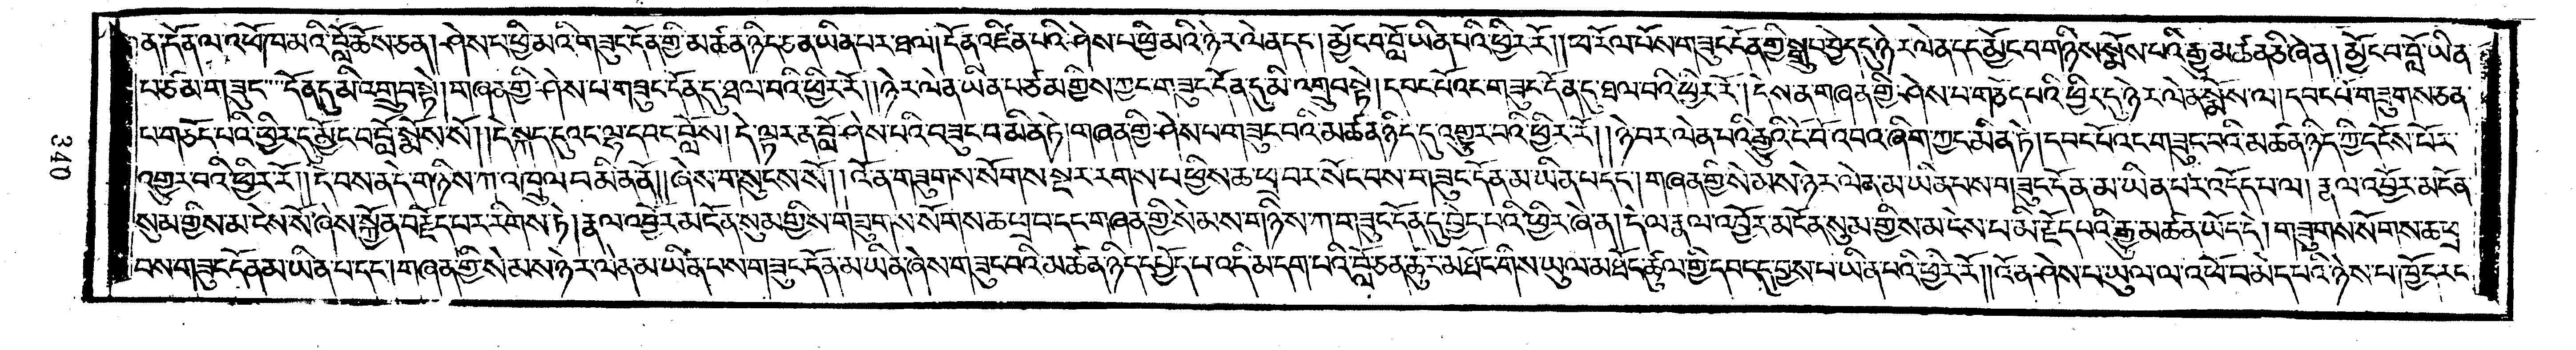ན༑ དོན་ལ་འཕོ་ཁ་མའི་བློ་ཆོས་ཅན། ཤེས་པ་ཕྱི་མའི་གཟུང་དོན་གྱི་མཚན་ཉིད་ཅན་ཡིན་པར་ཐལ། དོན་འཛིན་པའི་ཤེས་པ་ཕྱི་མའི་ཉེར་ལེན་དང་། མྱོང་བ་བློ་ཡིན་པའི་ཕྱིར་རོ། །ཕ་རོལ་པོས་གཟུང་དོན་གྱི་སྒྲུབ་བྱེད་དུ་ཉེར་ལེན་དང་མྱོང་བ་གཉིས་སྨོས་པའི་རྒྱུ་མཚན་ཅི་ཞེ་ན། མྱོང་བ་བློ་ཡིན་
པ་ཙམ་གཟུང་དོན་དུ་མི་འགྲུབ་སྟེ། གཞན་གྱི་ཤེས་པ་གཟུང་དོན་དུ་ཐལ་བའི་ཕྱིར་རོ། །ཉེར་ལེན་ཡིན་པ་ཙམ་གྱིས་ཀྱང་གཟུང་དོན་དུ་མི་འགྲུབ་སྟེ། དབང་པོའང་གཟུང་དོན་དུ་ཐལ་བའི་ཕྱིར་རོ། དེས་ན་གཞན་གྱི་ཤེས་པ་གཅད་པའི་ཕྱིར་དུ་ཉེར་ལེན་སྨོས་ལ། དབང་པོ་གཟུགས་ཅན་
པ་གཅད་པའི་ཕྱིར་དུ་མྱོང་བ་བློ་སྨོས་སོ། །དེ་སྐད་དུའང་ལྷ་དབང་བློས། དེ་ལྟར་ན་བློ་ཤེས་པའི་གཟུང་བ་མིན་ཏེ། གཞན་གྱི་ཤེས་པ་གཟུང་བའི་མཚན་ཉིད་དུ་འགྱུར་བའི་ཕྱིར་རོ། །ཉེ་བར་ལེན་པའི་རྒྱུའི་ངོ་བོ་འབའ་ཞིག་ཀྱང་མིན་ཏེ། དབང་པོའང་གཟུང་བའི་མཚན་ཉིད་ཀྱི་དངོས་པོར་
འགྱུར་བའི་ཕྱིར་རོ། །དེ་བས་ན་དེ་གཉིས་ཀ་འཁྲུལ་པ་མིན་ནོ། །ཞེས་གསུངས་སོ། །འོ་ན་གཟུགས་སོགས་སྔར་རགས་པ་ཕྱིས་ཆ་ཕྲ་བར་སོང་བས་གཟུང་དོན་མ་ཡིན་པ་དང་། གཞན་གྱི་སེམས་ཉེར་ལེན་མ་ཡིན་པས་གཟུང་དོན་མ་ཡིན་པར་འདོད་པ་ལ། རྣལ་འབྱོར་མངོན་
སུམ་གྱིས་མ་ངེས་སོ་ཞེས་སྐྱོན་བརྗོད་པར་རིགས་ཏེ། རྣལ་འབྱོར་མངོན་སུམ་གྱིས་གཟུགས་སོགས་ཆ་ཕྲ་བ་དང་གཞན་གྱི་སེམས་གཉིས་ཀ་གཟུང་དོན་དུ་བྱེད་པའི་ཕྱིར་ཞེ་ན། དེ་ལ་རྣལ་འབྱོར་མངོན་སུམ་གྱིས་མ་ངེས་པ་མི་རྗོད་པའི་རྒྱུ་མཚན་ཡོད་དེ། གཟུགས་སོགས་ཆ་ཕྲ་
བས་གཟུང་དོན་མ་ཡིན་པ་དང་། གཞན་གྱི་སེམས་ཉེར་ལེན་མ་ཡིན་པས་གཟུང་དོན་མ་ཡིན་ཞེས་གཟུང་བའི་མཚན་ཉིད་དཔྱོད་པ་འདི་མ་དག་པའི་བློ་ཅན་ཚུར་མཐོང་གིས་ཡུལ་མཐོང་ཚུལ་གྱི་དབང་དུ་བྱས་པ་ཡིན་པའི་ཕྱིར་རོ། །འོ་ན་ཤེས་པ་ཡུལ་ལ་འཕོ་བ་མེད་པའི་ཉེས་པ་ཁྱོད་རང་